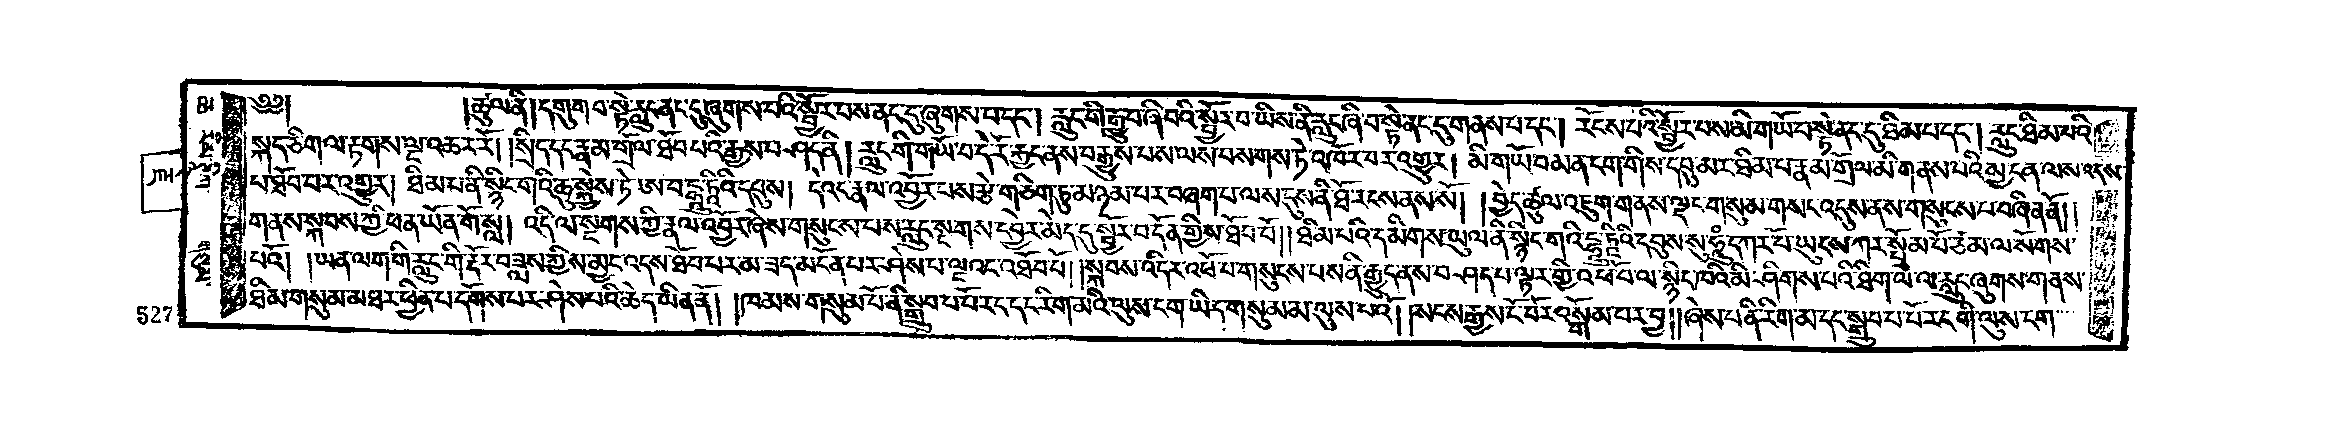༄༅། །ཚུལ་ནི། དགུག་པ་སྟེ་རླུང་ནང་དུ་ཞུགས་པའི་སྦྱོར་བས་ནང་དུ་ཞུགས་པ་དང་། རླུང་གི་རྒྱུ་བ་ཞི་བའི་སྦྱོར་བ་ཡིས་ནི་རླུང་ཞི་བ་སྟེ་ནང་དུ་གནས་པ་དང་། རེངས་པའི་སྦྱོར་བས་མི་གཡོ་བ་སྟེ་ནང་དུ་ཐིམ་པ་དང་། རླུང་ཐིམ་པའི་
སྐད་ཅིག་ལ་རྟགས་ལྔ་འཆར་རོ། །སྲིད་དང་རྣམ་གྲོལ་ཐོབ་པའི་རྒྱས་བཤད་ནི། རླུང་གི་གཡོ་བ་དེ་རོ་རྐྱང་ནས་བརྒྱུས་པས་ལས་བསགས་ཏེ་འཁོར་བར་འགྱུར། མི་གཡོ་བ་མན་ངག་གིས་དབུ་མར་ཐིམ་པ་རྣམ་གྲོལ་མི་གནས་པའི་མྱ་ངན་ལས་འདས་
པ་ཐོབ་པར་འགྱུར། ཐིམ་པ་ནི་སྙིང་གའི་ཆུ་སྐྱེས་ཏེ་ཨ་བ་དྷཱུ་ཏཱིའི་དབུས། དེའང་རྣལ་འབྱོར་པས་རྩེ་གཅིག་ཏུ་མཉམ་པར་བཞག་པ་ལས་དུས་ནི་ཐོ་རངས་ནས་སོ། །བྱེད་ཚུལ་འཇུག་གནས་ལྡང་གསུམ་གསང་འདུས་ནས་གསུངས་པ་བཞིན་ནོ། །
གནས་སྐབས་ཀྱི་ཕན་ཡོན་གོ་སླ། འདི་ལ་སྔགས་ཀྱི་རྣལ་འབྱོར་ཞེས་གསུངས་པས་རླུང་སྔགས་དབྱེར་མེད་དུ་སྦྱོར་བ་དོན་གྱིས་ཐོབ་བོ། །ཐིམ་པའི་དམིགས་ཡུལ་ནི་སྙིང་གའི་དྷཱུ་ཏཱིའི་དབུས་སུ་ཧཱུཾ་དཀར་པོ་ཡུངས་ཀར་སྤོམ་པོ་ཙམ་ལ་སོགས་
པའོ། །ཡན་ལག་གི་རླུང་གི་རྡོར་བཟླས་ཀྱིས་མྱང་འདས་ཐོབ་པར་མ་ཟད་མངོན་པར་ཤེས་པ་ལྔའང་འཐོབ་པོ། །སྐབས་འདིར་འཕོ་པ་གསུངས་པས་ནི་རྒྱུད་ནས་བཤད་པ་ལྟར་གྱི་འཕོ་བ་ལ་སྙིང་ཁའི་མི་ཤིགས་པའི་ཐིག་ལེ་ལ་རླུང་ཞུགས་གནས་
ཐིམ་གསུམ་མཐར་ཕྱིན་པ་དགོས་པར་ཤེས་པའི་ཆེད་ཡིན་ནོ། །ཁམས་གསུམ་པོ་ནི་སྒྲུབ་པ་པོ་རང་དང་རིག་མའི་ལུས་ངག་ཡིད་གསུམ་མ་ལུས་པའོ། །སངས་རྒྱས་ངོ་བོར་བསྒོམ་པར་བྱ། །ཞེས་པ་ནི་རིག་མ་དང་སྒྲུབ་པ་པོ་རང་གི་ལུས་ངག་